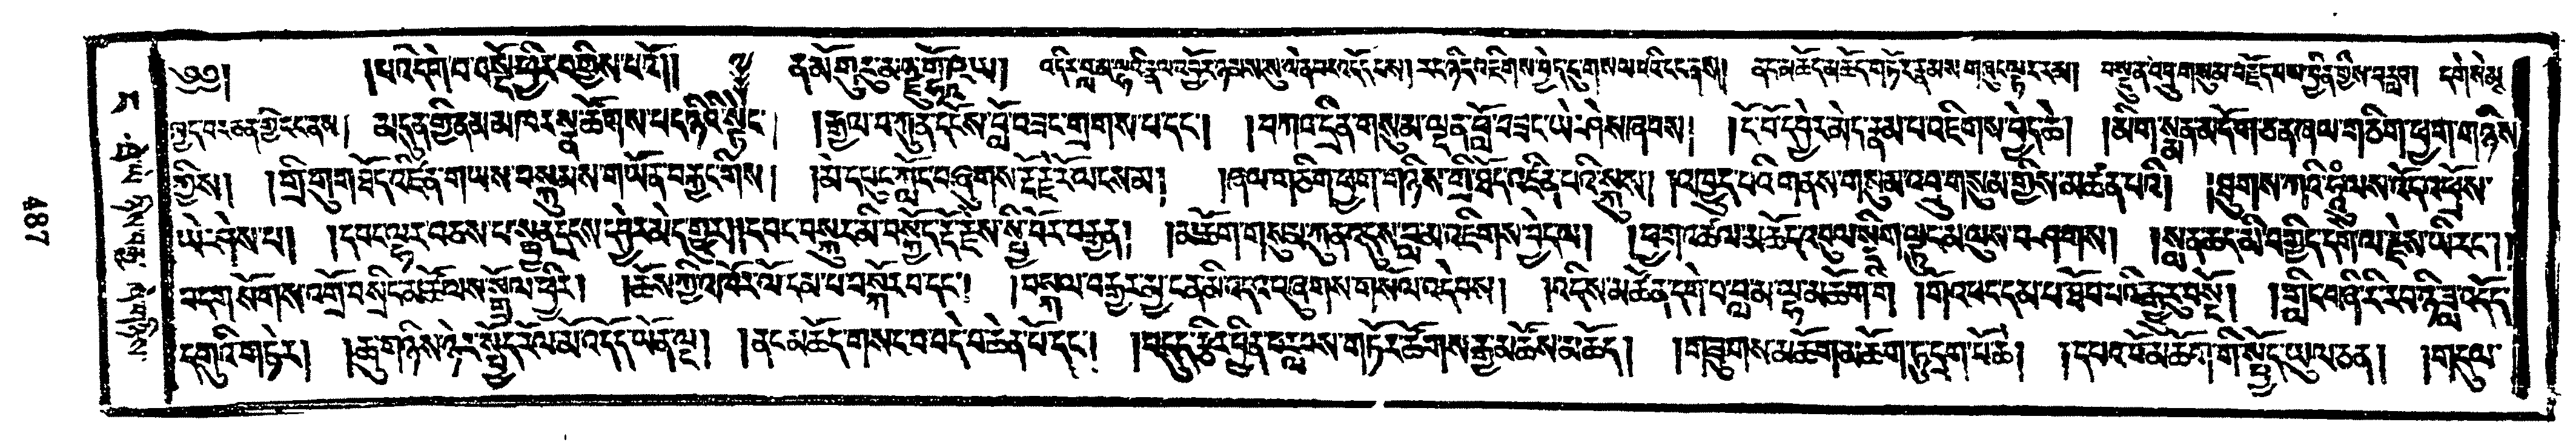༄༅། །པའི་དགེ་བ་བསྔོ་ཕྱིར་བགྱིས་པའོ།། ༈ ན་མོ་གུ་རུ་མཉྫུ་གྷོ་ཥཱ་ཡ། འདིར་བླ་མ་ལྷའི་རྣལ་འབྱོར་ཉམས་སུ་ལེན་བར་འདོད་པས། རང་ཉིད་འཇིགས་བྱེད་དུ་གསལ་པའི་ངང་ནས།། ནང་མཆོད་མཆོད་གཏོར་རྣམས་གཞུང་ལྟར་རམ། བསྡུ་ན་འབྲུ་གསུམ་བརྗོད་པས་བྱིན་གྱིས་བརླབ། དགེ་སེམས་
ཁྱད་པར་ཅན་གྱི་ངང་ནས། མདུན་གྱི་ནམ་མཁར་སྣ་ཚོགས་པང་ཉིའི་སྟེང་། །རྒྱལ་བ་ཀུན་དངོས་བློ་བཟང་གྲགས་པ་དང་། །བཀའ་དྲིན་གསུམ་ལྡན་བློ་བཟང་ཡེ་ཤེས་ཞབས། །ངོ་བོ་དབྱེར་མེད་རྣམ་པ་འཇིགས་བྱེད་ཆེ། །མིག་སྨན་མདོག་ཅན་ཞལ་གཅིག་ཕཡག་གཉིས་
ཀྱིས། །གྲི་གུག་ཐོད་འཛིན་གཡས་བསྐུམས་གཡོན་བརྐྱང་གིས། །མེ་དཔུང་ཀློང་བཞུགས་རྡོ་རྗེ་རོ་ལངས་མ། །ཞལ་གཅིག་ཕྱག་གཉིས་གྲི་ཐོད་འཛིན་པའི་སྐུས། །འཁྱུད་པའི་གནས་གསུམ་འབྲུ་གསུམ་གྱིས་མཚན་པའི། །ཐུགས་ཀའི་ཧཱུཾ་ལས་འོད་འཕྲོས་
ཡེ་ཤེས་པ། །དབང་ལྷར་བཅས་པ་སྦྱན་དྲངས་དབྱེར་མེད་གྱུར། །དབང་བསྐུར་མི་བསྐྱོད་རྡོ་རྗེས་སྦྱི་བོར་བརྒྱན། །མཆོག་གསུམ་ཀུན་འདུས་བླ་མ་འཇིགས་བྱེད་ལ། །ཕྱག་འཚལ་མཆོད་འབུལ་སྡིག་ལྟུང་མ་ལུས་བཤགས། །སླན་ཆད་མི་བགྱིད་དགེ་ལ་རྗེས་ཡི་རང་། །
བདག་སོགས་འགྲོ་བ་སྲིད་མཚོ་ལས་སྲོལ་ཕྱིར། །ཆོས་ཀྱི་འཁོར་ལོ་དམ་པ་བསྐོར་བ་དང་། །བསྐལ་བརྒྱར་མྱ་ངན་མི་འདའ་བཞུགས་གསོལ་འདེབས། །འདིས་མཚོན་དགེ་བ་བླ་མ་ལྷ་མཆོག་གི། །གོ་འཕང་དམ་པ་ཐོབ་པའི་རྒྱུ་རུ་བསྔོ། །གླིང་བཞི་རི་རབ་ཉི་ཟླ་འདོད་
དགུའི་གཏེར། །ཆུ་གཉིས་ཉེར་སྦྱོད་རོལ་མོ་འདོད་ཡོན་ལྔ། །ནང་མཆོད་གསང་བ་བདེ་བ་ཆེན་པོ་དང་། །བདུད་རྩིར་བྱིན་བརླབས་གཏོར་ཚོགས་རྒྱ་མཚོས་མཆོད། །གཟུགས་མཆོག་མཆོག་ཏུ་དྲག་པོ་ཆེ། །དཔའ་པོ་མཆོག་གི་སྤྱོད་ཡུལ་ཅན། །གདུལ་